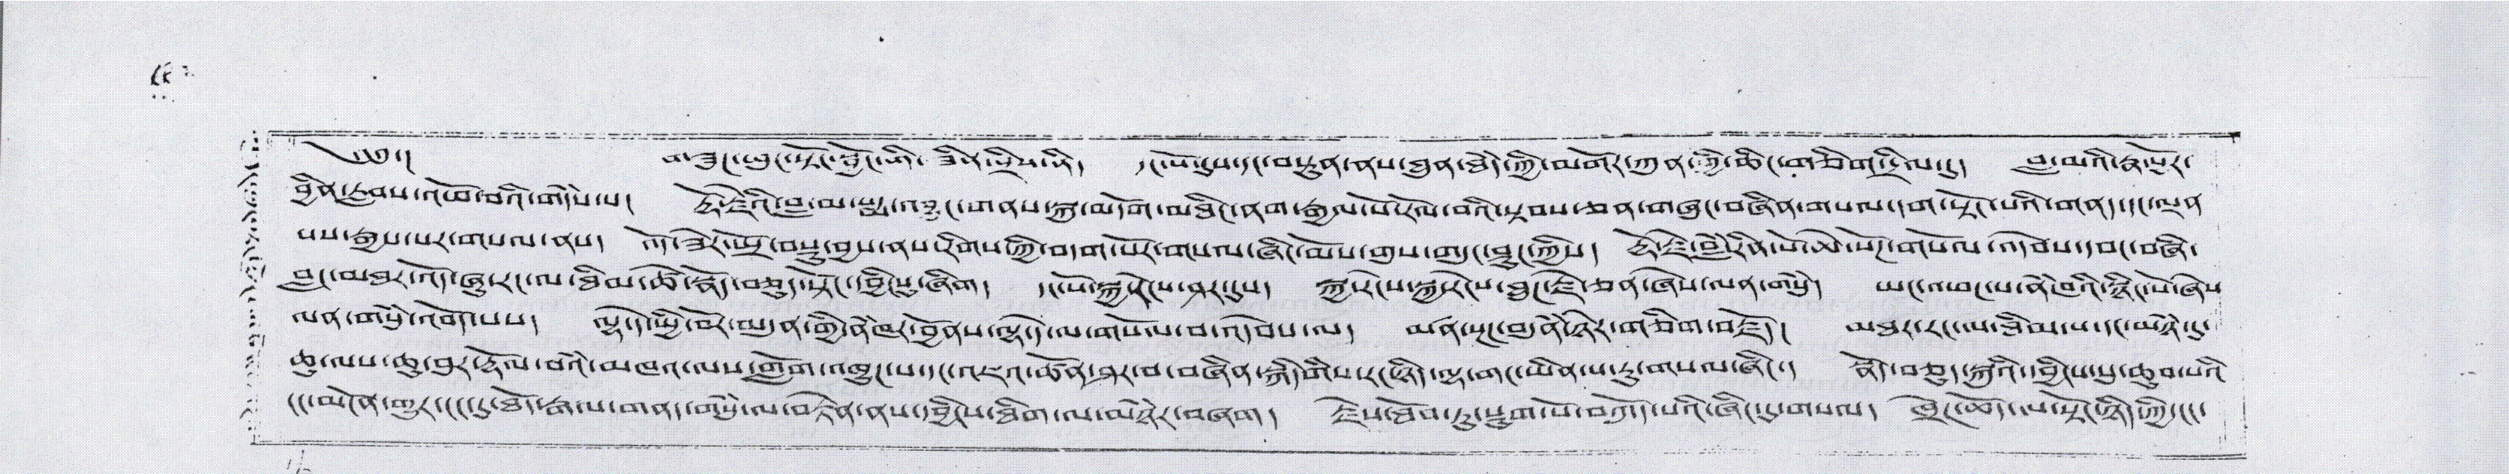༄༅།། གཟུགས་ཕུང་སྟོང་སྦྱོང་གི་ཟིན་བྲིས་ནི། དང་པོ་དུས་དང་བསྟུན་ནས་ཐུན་ཐམས་ཅད་ཀྱི་འགོར་ཀུན་གྱི་ཀུན་གྱི་ཆིངས་གཅིག་དྲིལ་དུ། བླ་མའི་རྣལ་འབྱོར་
བྱིན་རླབས་འཕོ་བའི་གདམས་པ། རྡོ་རྗེའི་བླ་མ་པད་མ་འབྱུང་གནས་སྐུ་མདོག་མཐིང་ནག་རྒྱལ་པོ་རོལ་པའི་གར་སྟབས་ཅན་གཞུང་བཞིན་གསལ་དག་སྟོང་པའི་གནད་དང་ལྡན་
པས་རྒྱས་པར་གསལ་ནས། འོད་ཟར་སྤྲོ་བསྡུ་བྱས་ནས་རིགས་ཀྱི་བདག་པོར་གསལ་ཞིང་མོས་གུས་གདུང་ཤུགས་ཀྱིས། རྡོ་རྗེ་བླ་མ་རིན་པོ་ཆེ་སོགས་གསོལ་འདེབས་དབང་བཞི་
བླང་མཐར་འོད་ཞུ་རང་ལ་ཐིམ་ཚེ་སྣོད་བཅུད་སྟོང་དབྱིངས་སུ་ཞིག དང་པོ་སྐྱ་རེངས་ཤར་དུས། སྐྱ་རེངས་སྐྱ་རེངས་ཐུགས་རྗེ་ཅན་ཞེས་ལན་གསུམ། ཡང་འཕགས་པ་ནམ་མཁའི་སྙིང་པོ་
ལན་གསུམ་འབོད་པས། ལྷ་དེ་སྤྱི་བོར་མདུན་གྱི་ནམ་མཁར་བྱོན་ནས་ལྷ་དེ་ལ་གསོལ་བ་འདེབས་ལ། མཚན་སྔགས་བདུན་ནམ་ཉེར་གཅིག་བརྗོད། མཐར་རང་ལ་ཐིམ་པ་དང་མཉམ་དུ་
ཆུ་ལས་ཆུ་བུར་རྡོལ་བའམ་མཁའ་ལས་གློག་འཁྱུག་པ་དང་འཇའ་ཚོན་ཤར་བ་བཞིན་སྐད་ཅིག་གིས་རང་ཉིད་ལྷ་གང་ཡིན་པ་རུ་གསལ་ཞིང་། སྣོད་བཅུད་སྐུ་ཡི་དབྱིངས་སུ་ཆུབ་པའི་
ངང་མངོན་གྱུར་ངང་དུ་ཐོད་རྒལ་གནད་གསུམ་ལ་བརྟེན་ནས་དབྱིངས་ཐིག་ལ་མཉམ་པར་བཞག རྗེས་ཐོབ་ཏུ་སྟུག་པོ་བཀོད་པའི་ཞིང་དུ་གསལ། ཁྲེགས་ཆོད་ལ་སྟོང་ཉིད་ཀྱི་ངང་